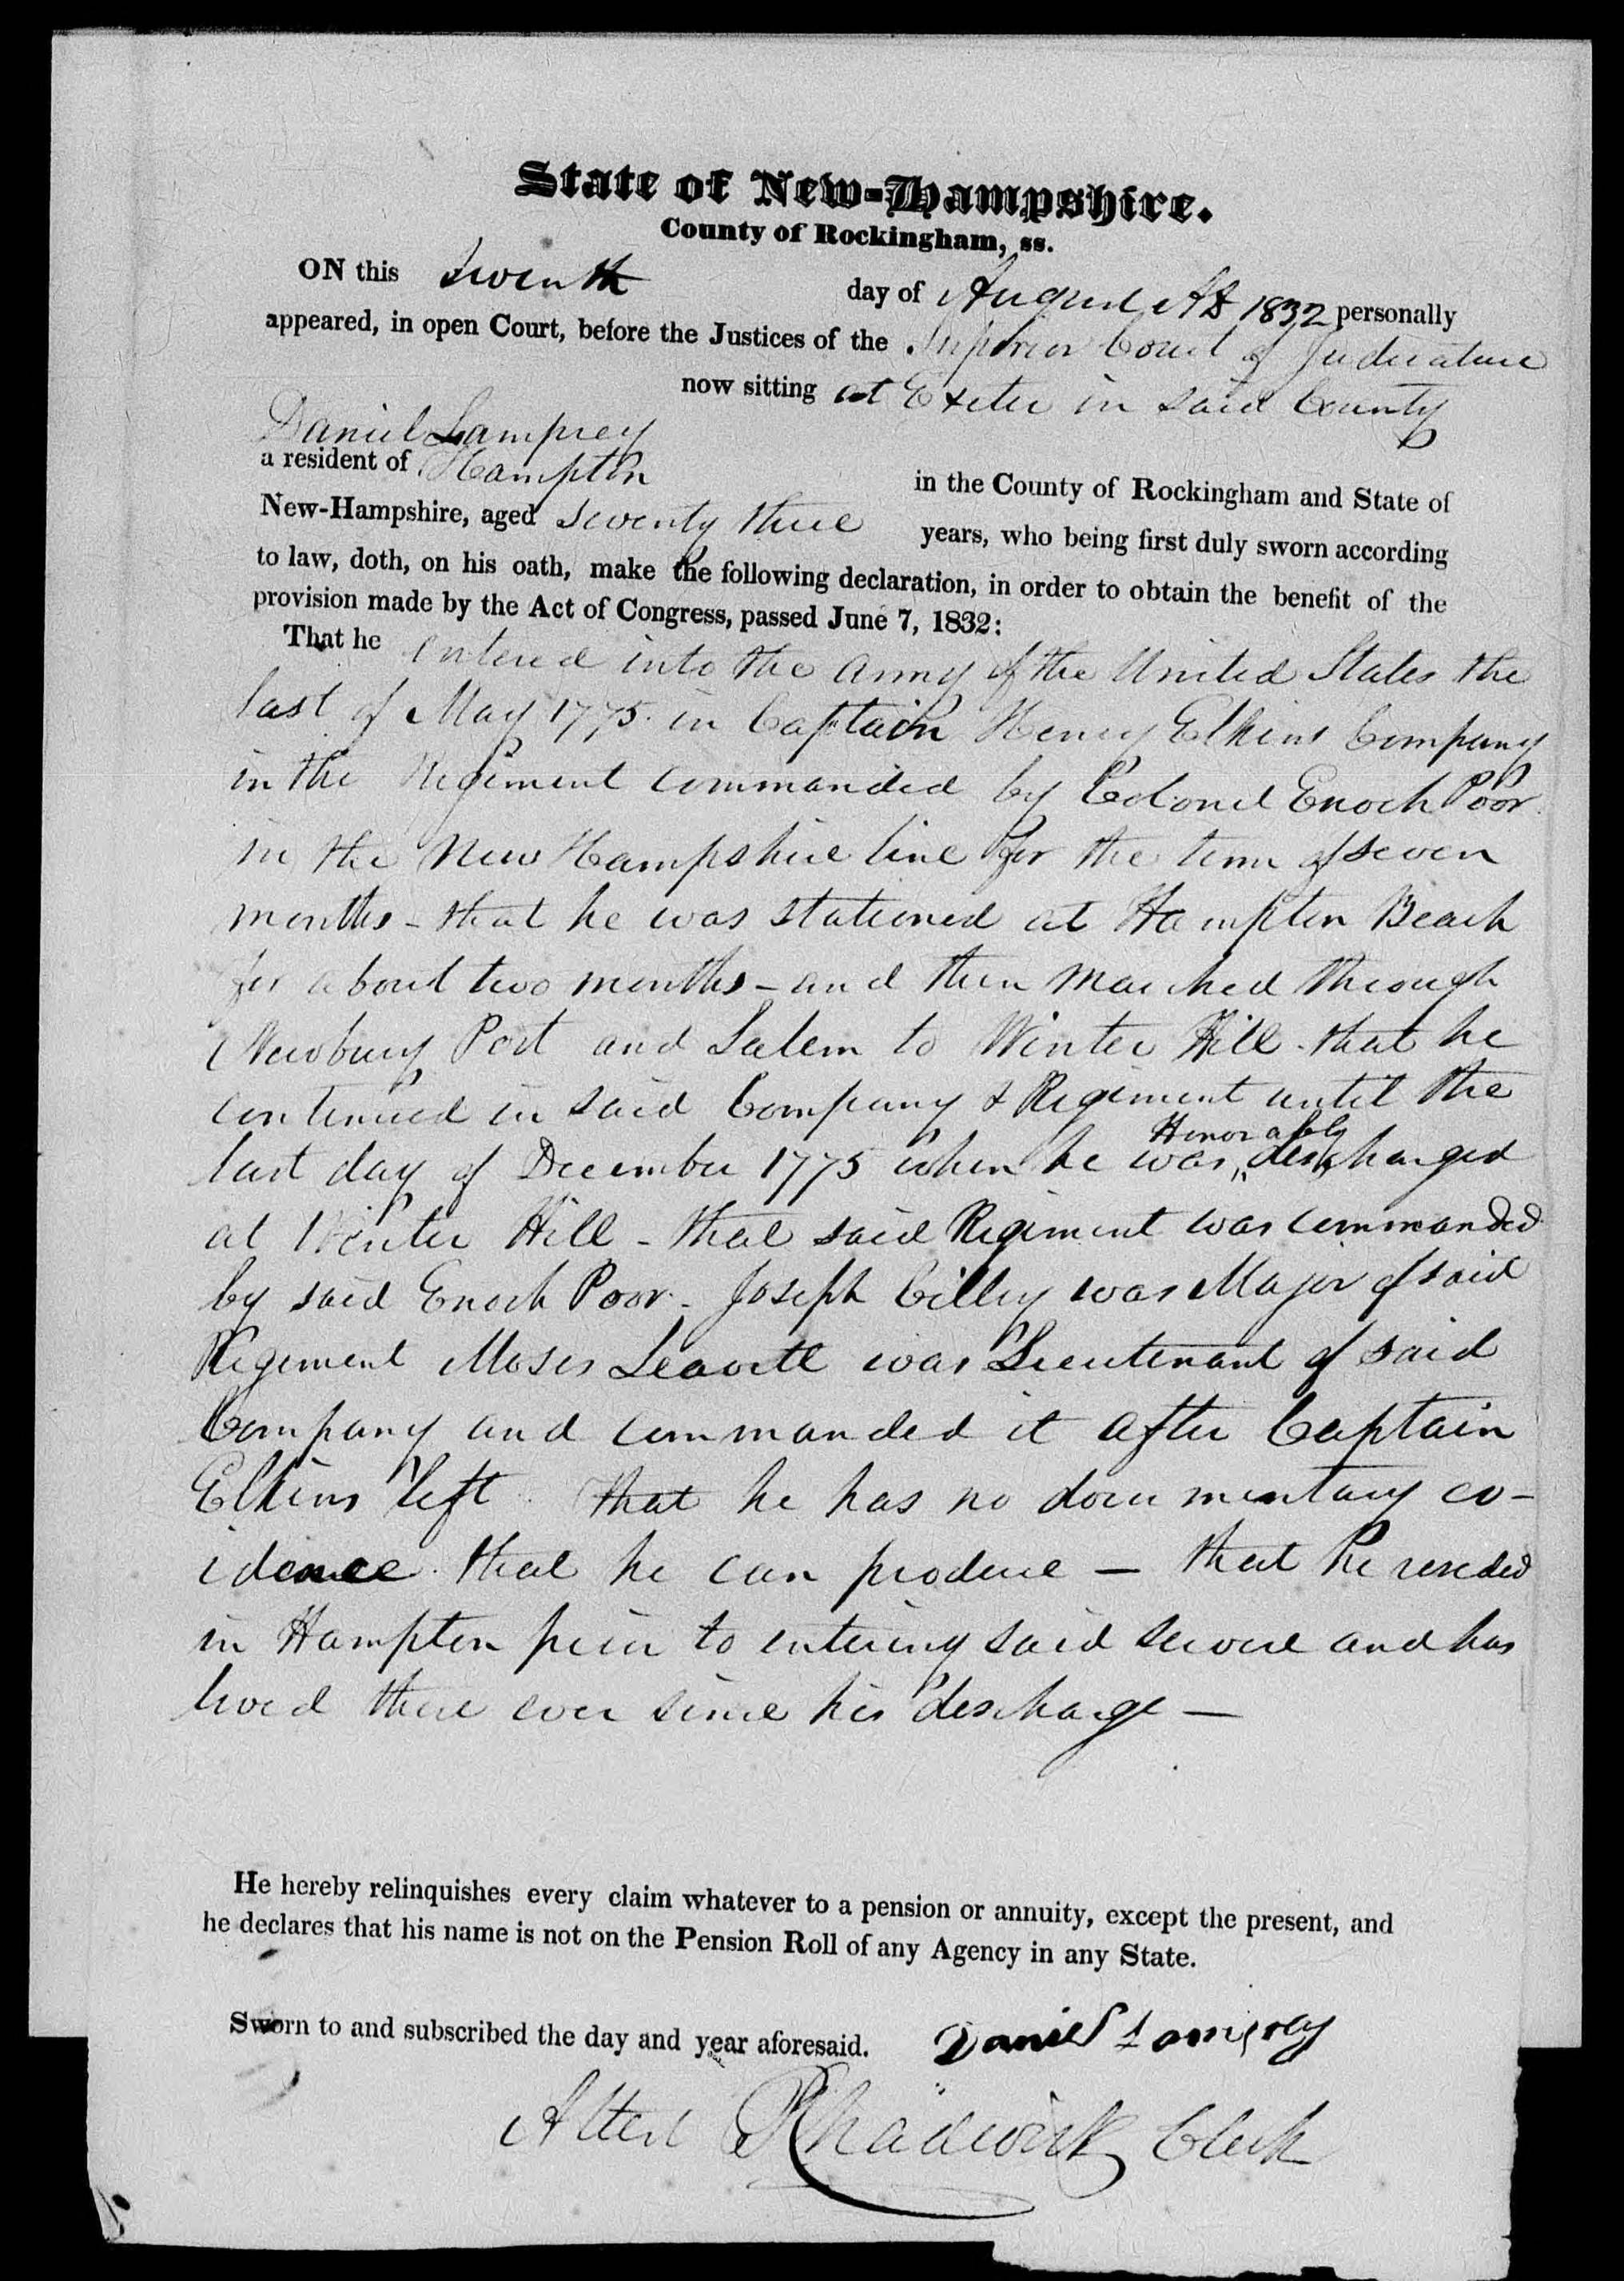State of New-Hampshire
County of Rockingham, ss.
On this seventh day of August AD 1832 personally appeared, in open Court, before the Justices of the Superior Court of Judicature now sitting at Exeter in said County Daniel Lamprey a resident of Hampton in the County of Rockingham and State of New-Hampshire, aged seventy three years, who being first duly sworn according to law, doth, on his oath, make the following declaration, in order to obtain the benefit of the provision made by the Act of Congress, passed June 7, 1832:
That he entered into the Army of the United States the last of May 1775 in Captain Henry Elkins Company in the Regiment commanded by Colonel Enoch Poor in the New Hampshire line for the term of seven months - that he was stationed at Hampton Beach for about two months- and then marched through
Newbury Port [sic] and Salem to Winter Hill -that he continued in said Company & regiment until the last day of December 1775 when he was Honorably discharged at Winter Hill - that said Regiment was commanded by said Enoch Poor Joseph Cilley was Major of said
Regiment Moses Leavitt was Lieutenant of said
Company and commanded it after Captain
Elkins left That he has no documentary 
evidence that he can produce - that he resided
in Hampton prior to entering said service and has lived there ever since his discharge-
He hereby relinquishes every claim whatever to a pension or annuity, except the present, and
he declares that his name is not on the Pension Roll of any Agency in any State.
Sworn to and subscribed the day and year aforesaid.
Daniel Lamprey
Attest P Chadwick Clerk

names: P Chadwick; Moses Leavett; Enoch Poor; Joseph Cilley; Daniel Lamprey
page: 11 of 53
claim: widow's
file: W. 492, for Daniel Lamprey, New Hampshire